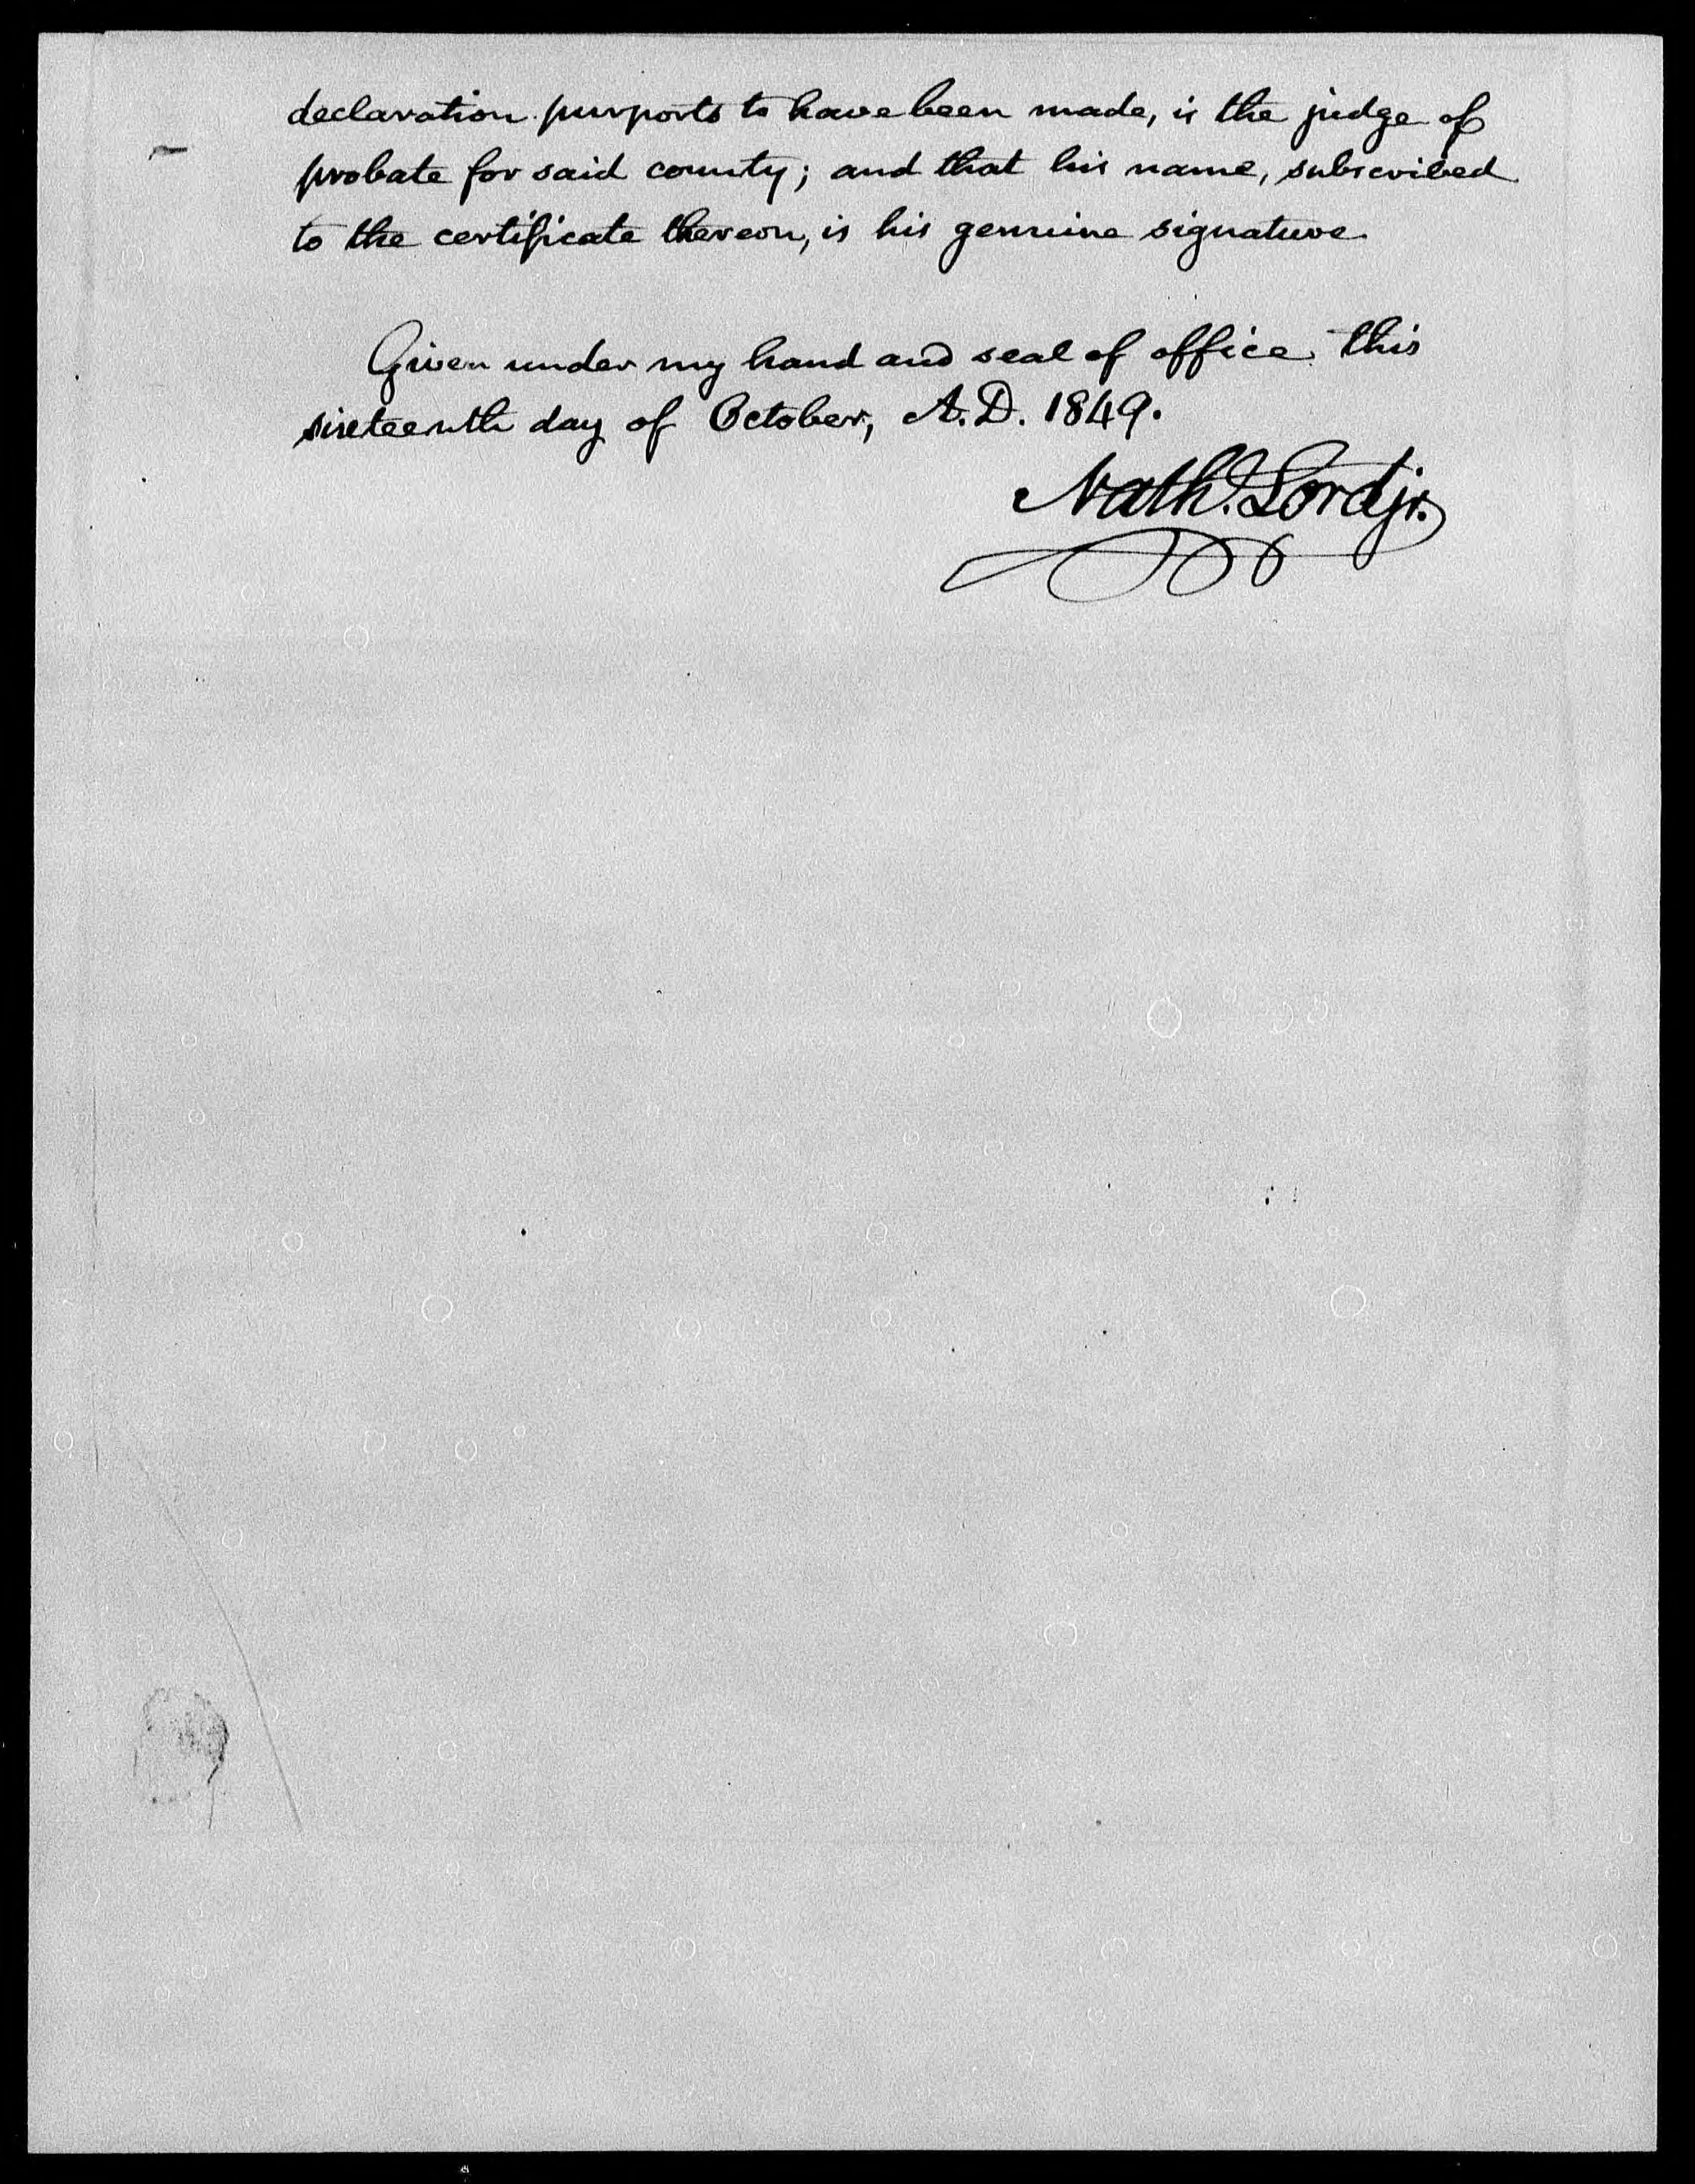declaration purports to have been made, in the judge of probate for said county; and that his name, subscribed to the certificate thereon, is his genuine signature.

Given under my hand and seal of office this sixteenth day of October, A.D. 1849.
Nath. Lord jr.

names: Nathl Lord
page: 5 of 29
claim: widow's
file: W. 1779, for Richard Kimball, Massachusetts